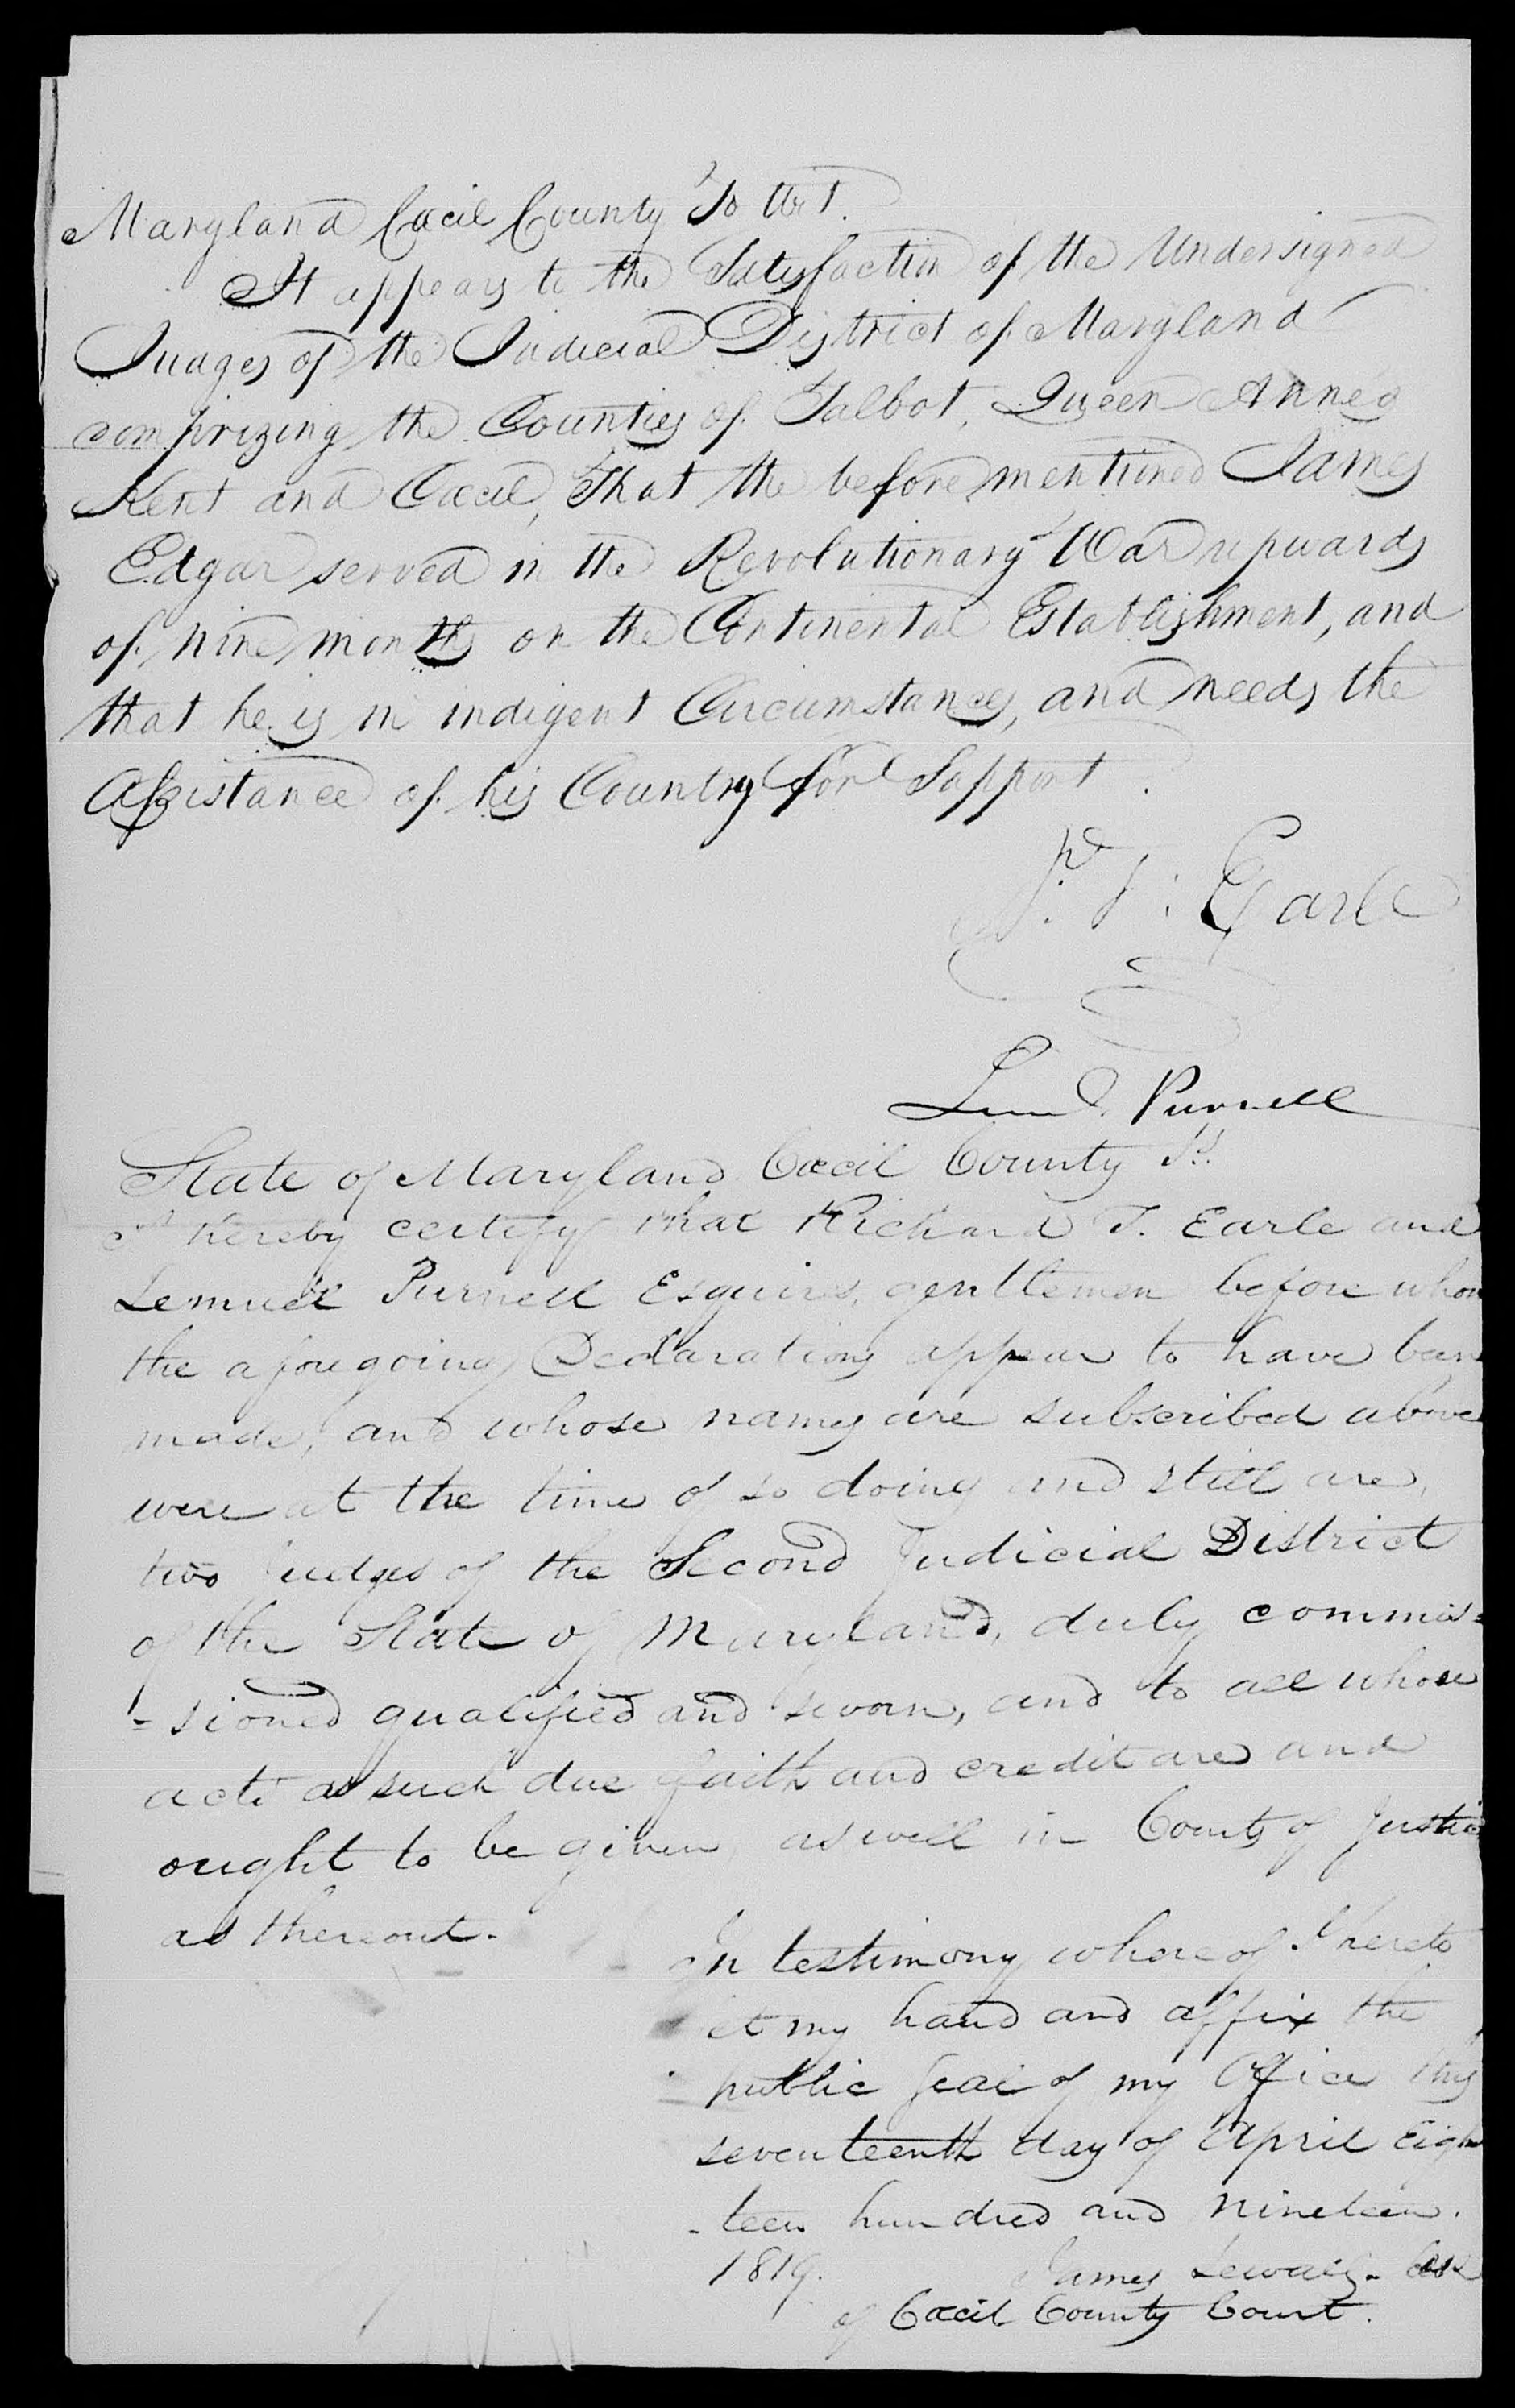Maryland Cecil County To Wit
It appears to the Satisfaction of the undersigned
Judges of the Judicial District of Maryland
comprizing the Counties of Talbot, Queen Anne
Kent and Cecil That the before mentioned James
Edgar served in the Revolutionary War upwards
of nine month on the Continental Establishment, and
that he is in indigent Circumstances, and needs the assistance
of his Country for Support
R. T. Earle
Lemuel Purnell
State of Maryland Cecil County SS
I hereby certify that Richard T. Earle and ┃
Lemuel Purnell Esquires, gentlemen before whom
the aforegoing Declarations appear to have been
made, and whose names are subscribed above
were at the time of so doing and still are
two Judges of the Second Judicial District
of the State of Maryland, duly commissioned qualified and sworn, and to all whose
acts as such due faith and credit are and
ought to be given as well in Courts of Justice
as thereout.
In testimony whereof I hereto
set my hand and affix the
public Seal of my Office this
seventeenth day of April Eightteen hundred and nineteen. 1819
James Sewall Clk
of Cecil County Court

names: James Sewall, R T Earle, Lemuel Purnell, James Edgar, Leml Purnell, Richard T Earle, Queen Annes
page: 74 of 74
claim: widow's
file: W. 9422, James Edgar, Penn.